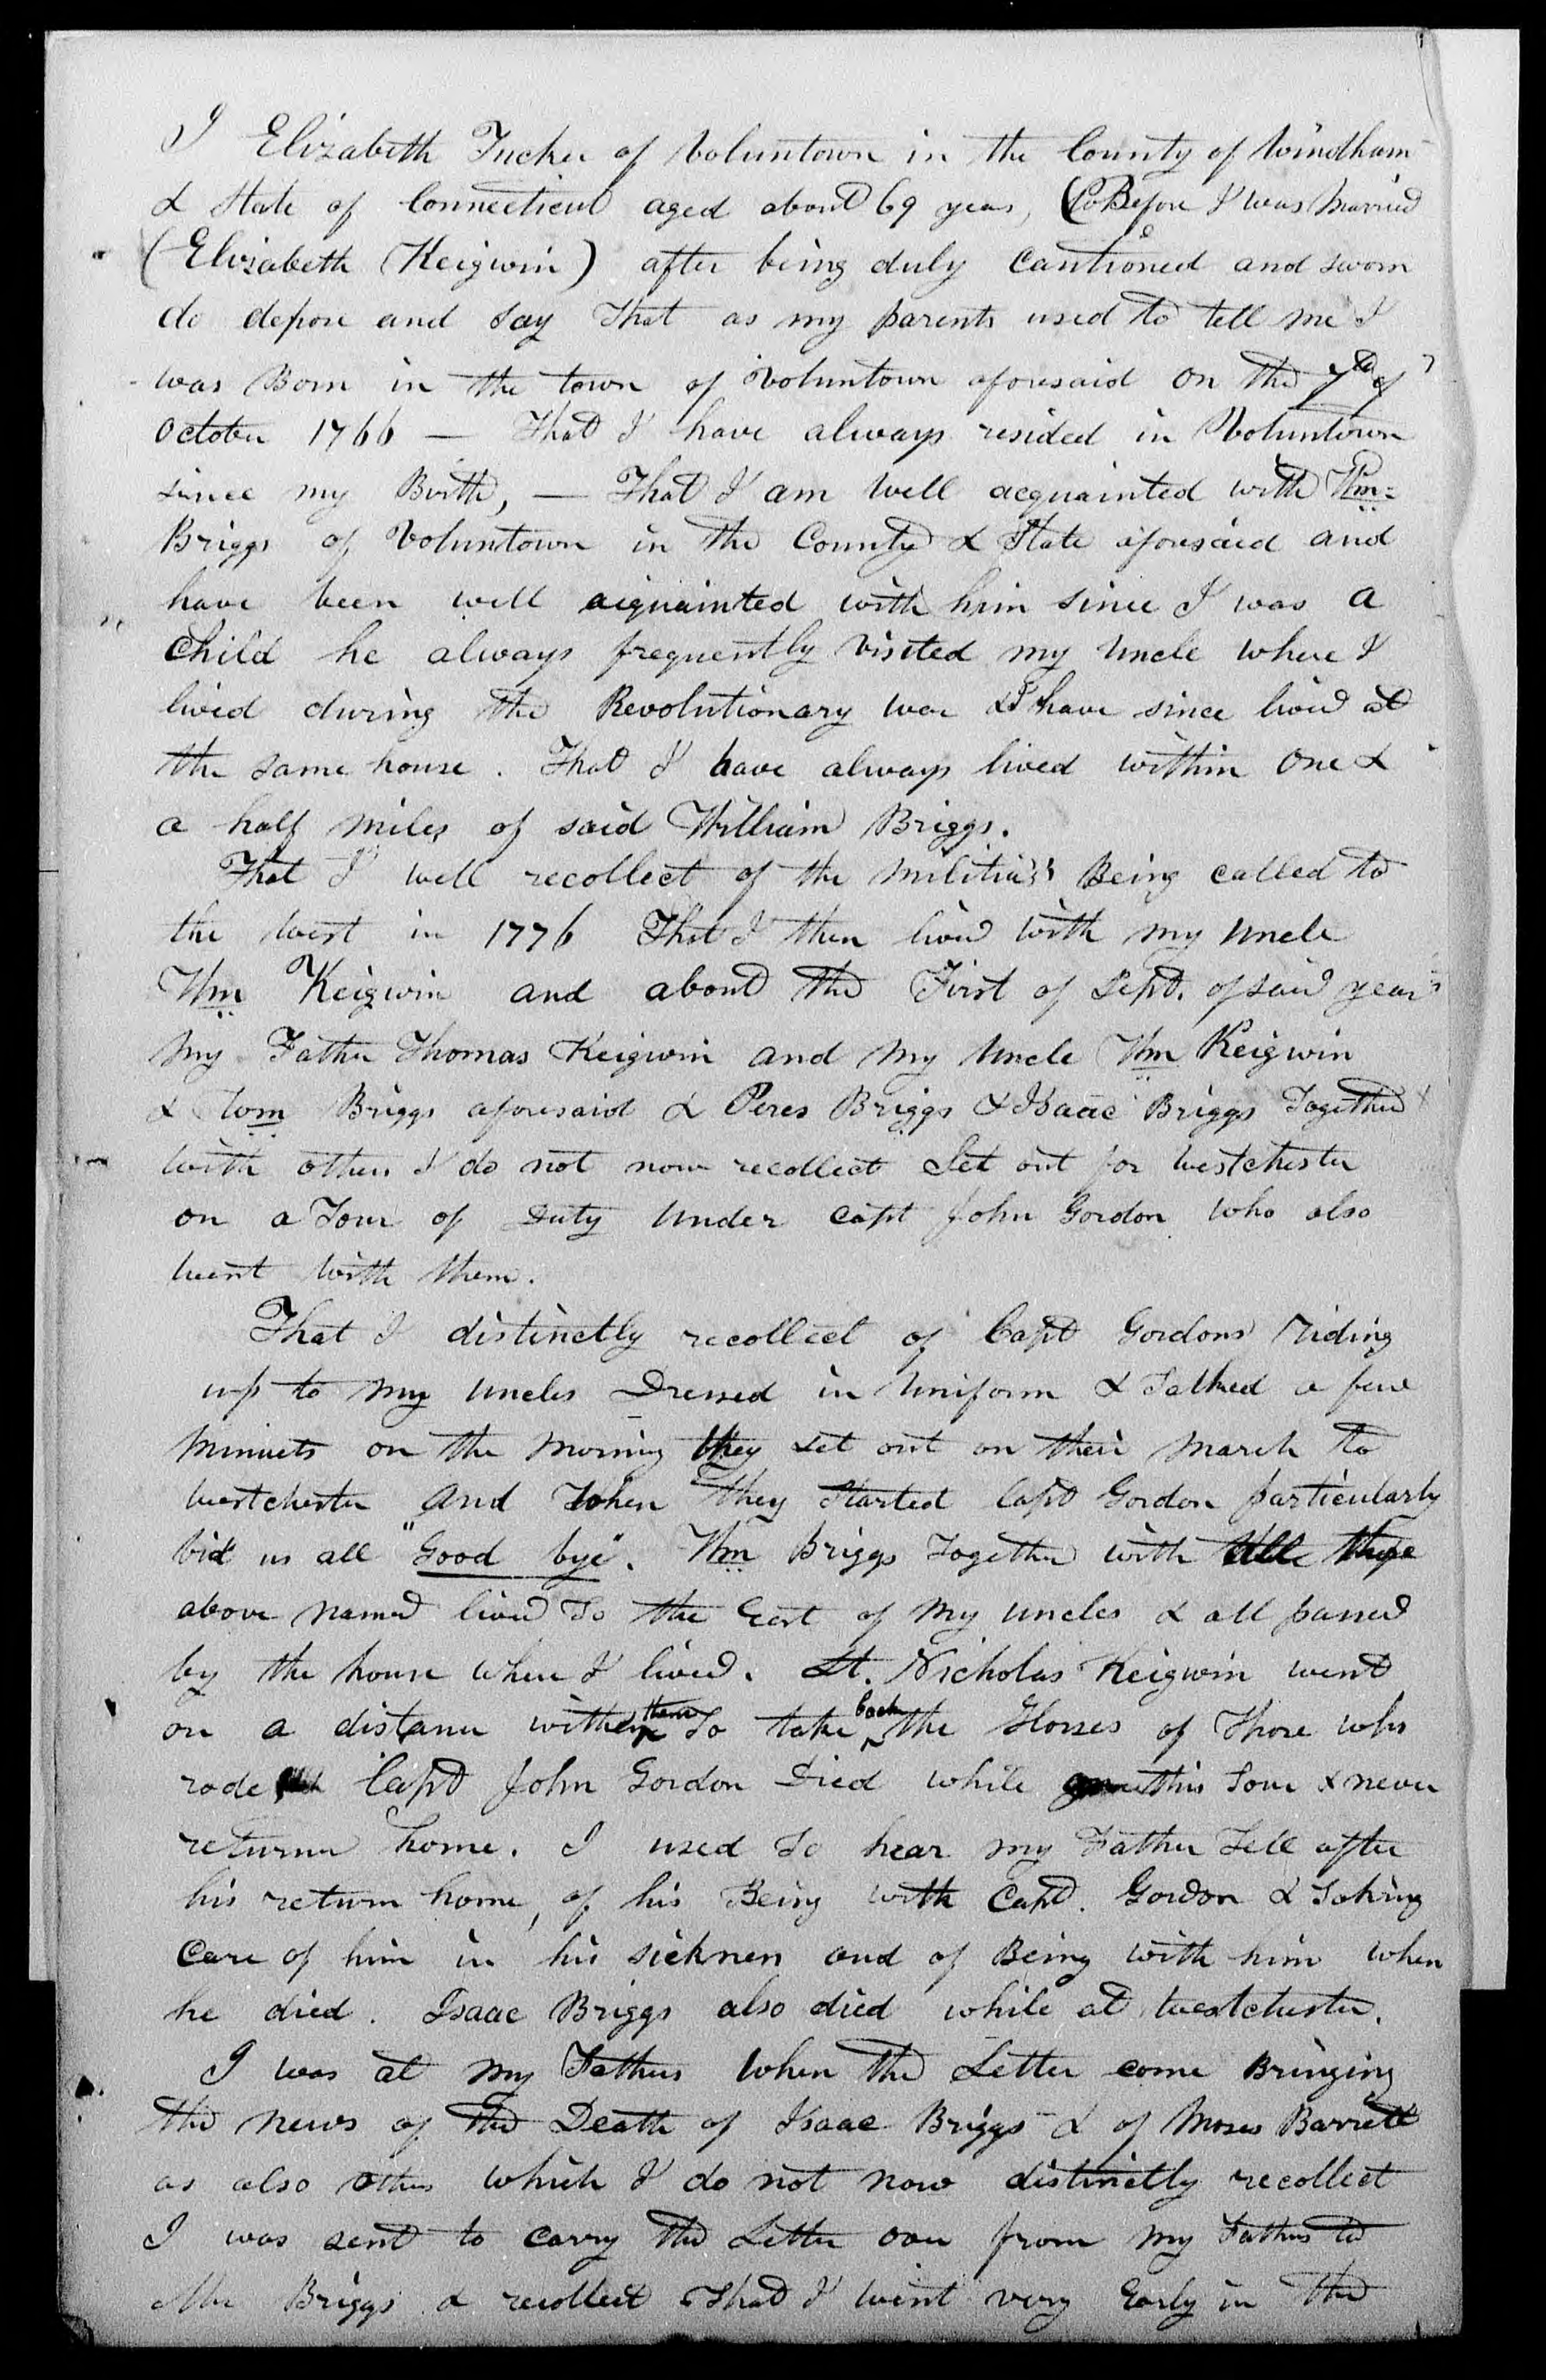I Elizabeth Tucker of Voluntown in the County of Windham & State of Connecticut aged about 69 years, ([illegible]  Before I was married (Elizabeth Keigwin) after being duly cautioned and sworn do depose and say that as my parents used to tell me I was born in the town of Voluntown aforesaid  on the 7th of October 1766 -  That I have always resided in Voluntown since my Birth, - That I am fully acquainted with Wm. Briggs of Voluntown in the County and State aforesaid and have been well acquainted with him since I was a Child he always frequently visited my Uncle where I lived during the Revolutionary War  I have since lived at the same house.  That I have always lived within one &  half miles of said William Briggs.
    That I recollect of the militia's Being called to the [illegible] in 1776   Tht I then lived with my Uncle Wm. Keigwin and about the Forst of Sept. of said year My Father Thomas Keigwin and my Uncle Wm. Keigwin & Tom Briggs aforesaid & Peres Briggs & Isaac Briggs together with others I do not now recollect Set out for Westchester on a Tour of Duty under Capt John Gordon who also went with them.
   That I distinctly recollect of Capt Gordon riding up to my Uncles Dressed in uniform and talked a few minutes on the morning they set out on their march to Westchester    And then they started Capt Gordon particularly bid us all "Good bye". [quote is underlined] Tom Briggs together with all those above named lived to the East of my Uncles & all passed by the house where I lived.  Lt. Nicholas Keigwin went on a distance with them [word inserted] to take back [last word inserted] the horses of those who rode  [next word crossed out]   Capt John Gordon died while on this Tour & never returned home.  I used to hear my Father tell after his return home of his being with Capt. Gordon & taking care of him in his sickness and of being with him when he died.  Isaac Briggs also died while at Westchester.

I was at my Fathers when the Letter came bringing the news of the Death of Isaac Briggs & of Moses Barrett as also others which I do not now distinctly recollect   I was sent to carry the Letter over from my Fathers to other Briggs & recollect that I went very early in the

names: Briggs, Elizabeth Tucker, Gordon, Wm Briggs, Gordone, Nicholas Keigwin, Thomas Keigwin, Peres Briggs, Isaac Briggs, Wm Keigwin, Isaac Briggs, Wm Briggs, William Briggs, John Gordon, John Gordon, Elizabeth Keigwin, Isaac Briggs, Wm Briggs, Gordon, Moses Barrett, Wm Keigwin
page: 34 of 37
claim: survivor's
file: S. 12,281, William Briggs, Conn.